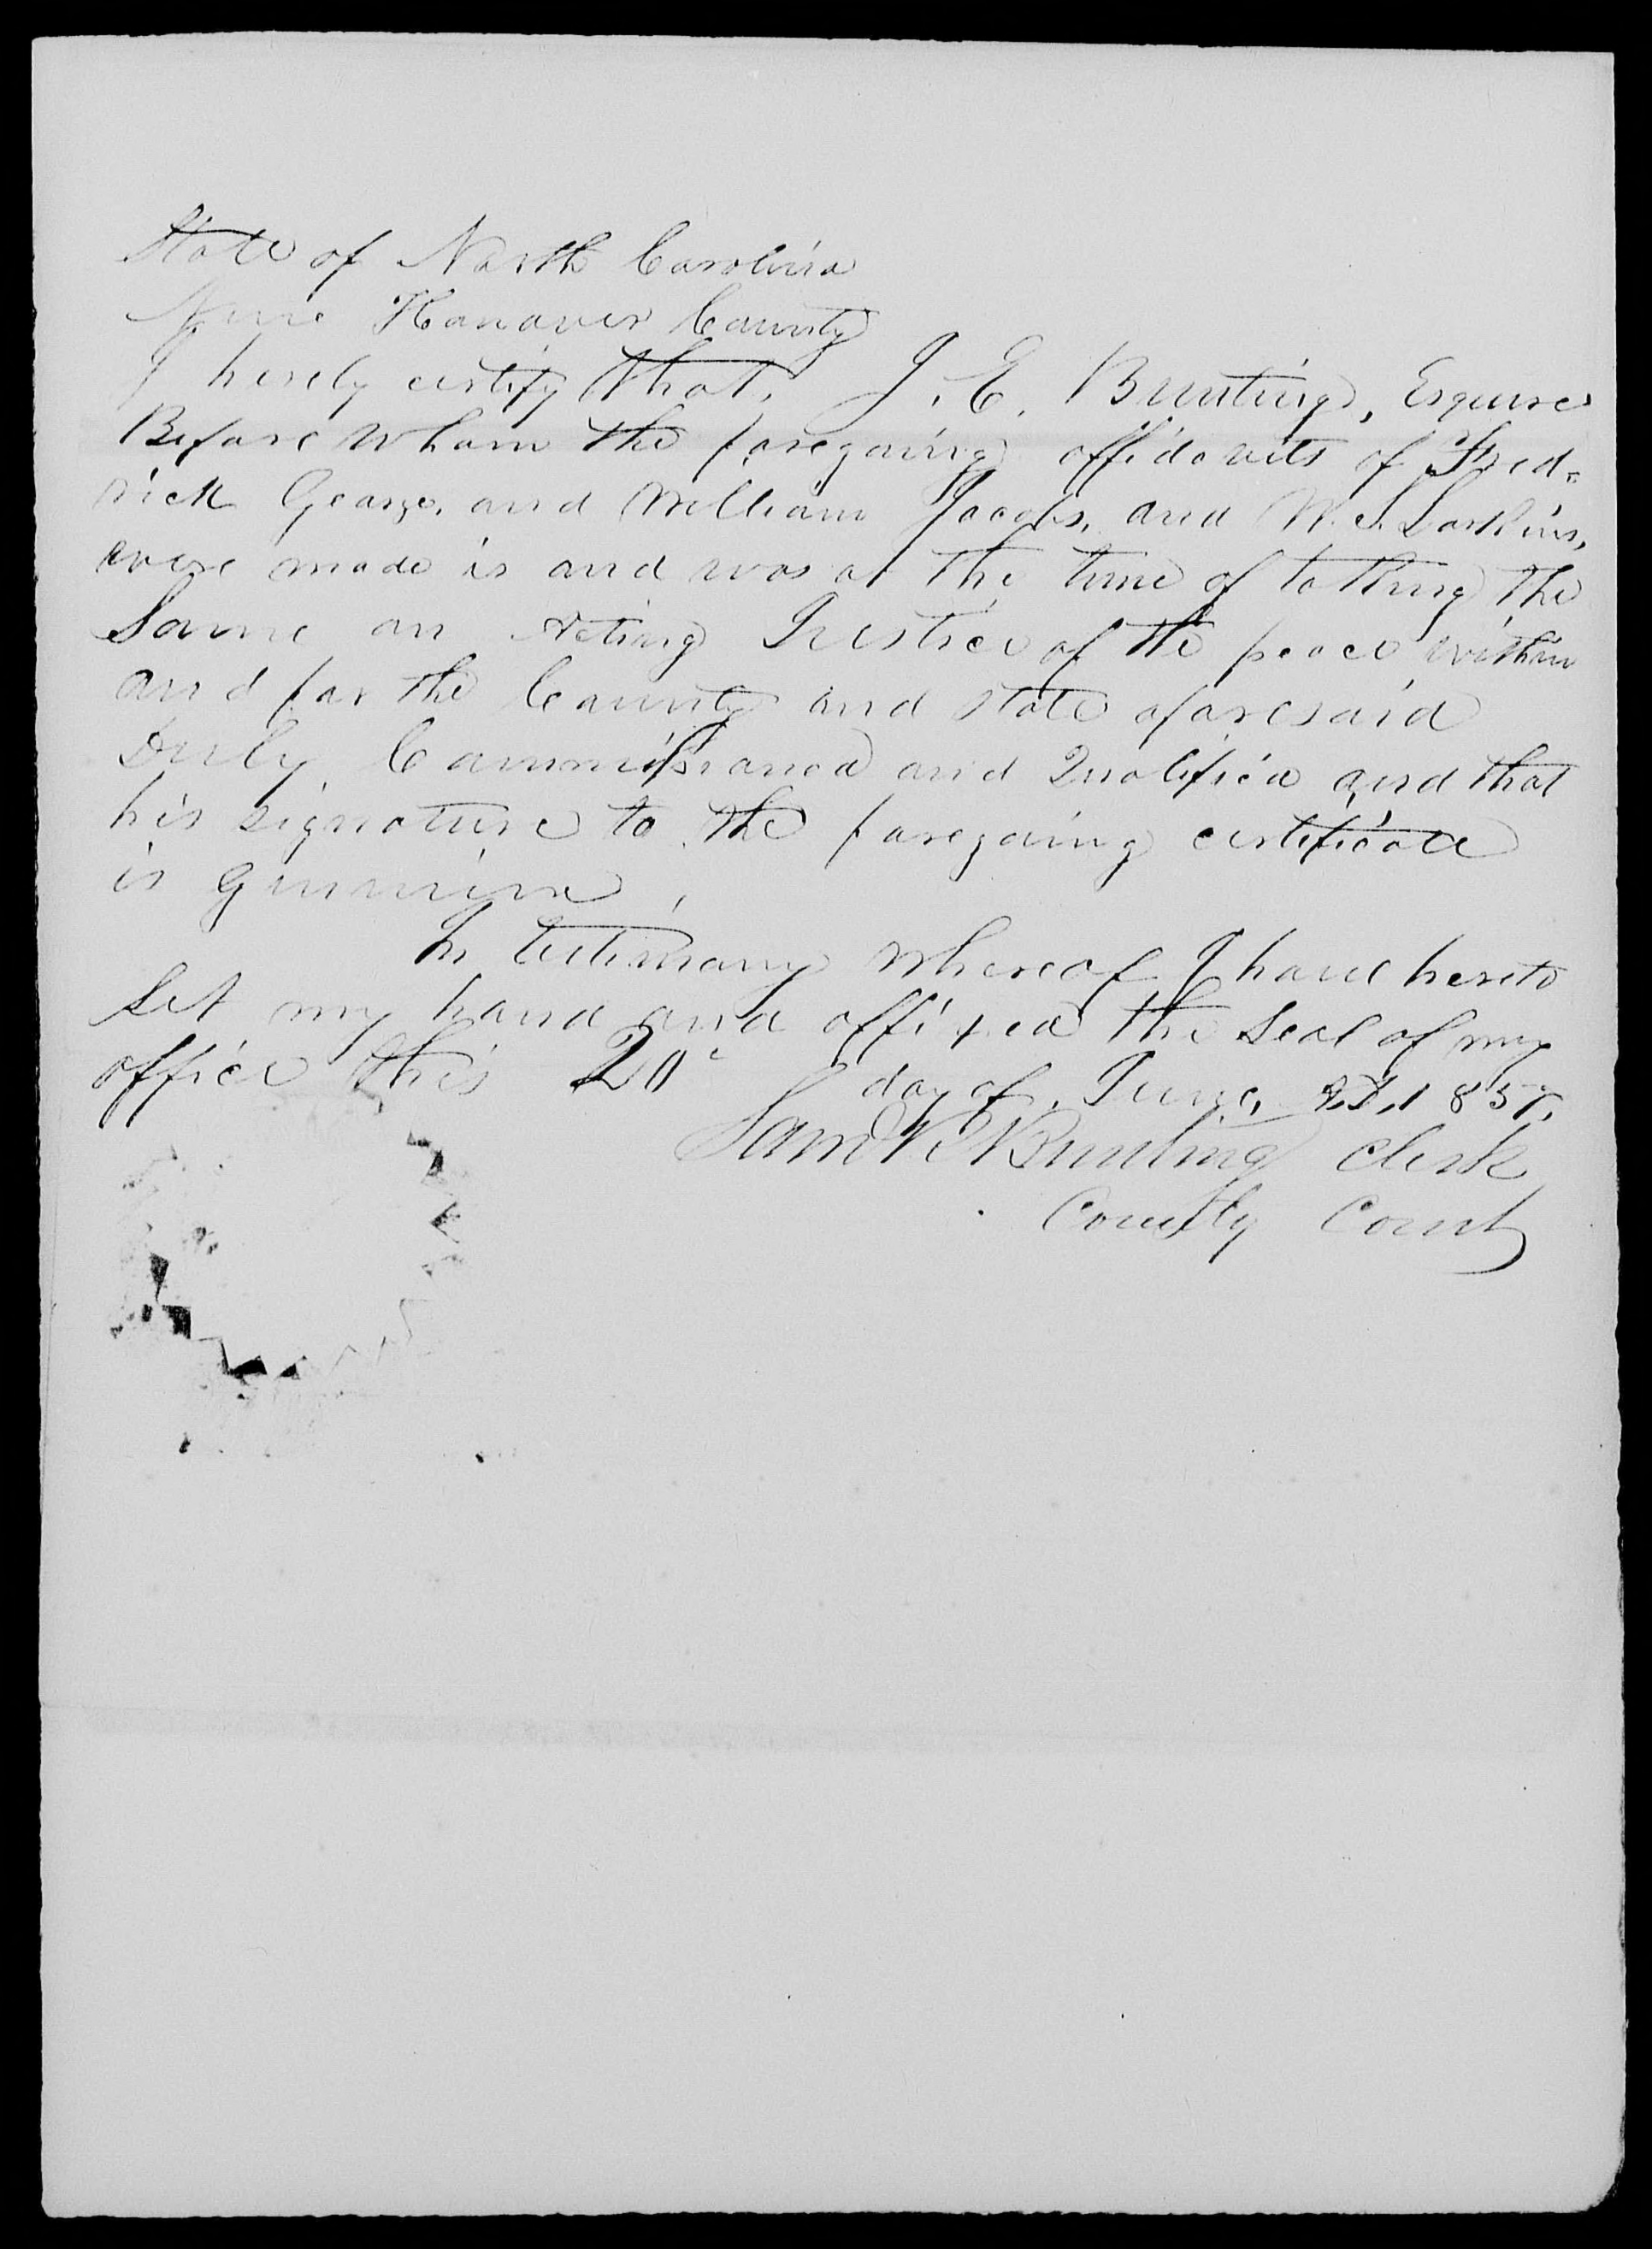State of North Carolina 
New Hanover County
I hereby certify that I H Bunting, Esquire Before whom the foregoing affidavits of Fredrick George and William Jacobs and W.S Sarkins, were made is and was at the time of taking the Same an Acting Justice of the peace within and for the County and State aforesaid Duly Commissioned and Qualified and that his signature to the foregoing certificate is genuine.
       In testimony whereof I have hereto Set my hand and affixed the Seal of my office this 20th day of June A.D. 1857
                  [Signature] Sam R Bunting Clerk
SEAL                        County Court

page: 21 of 40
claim: widow's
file: W. 5304, for Zachariah Jacobs, North Carolina